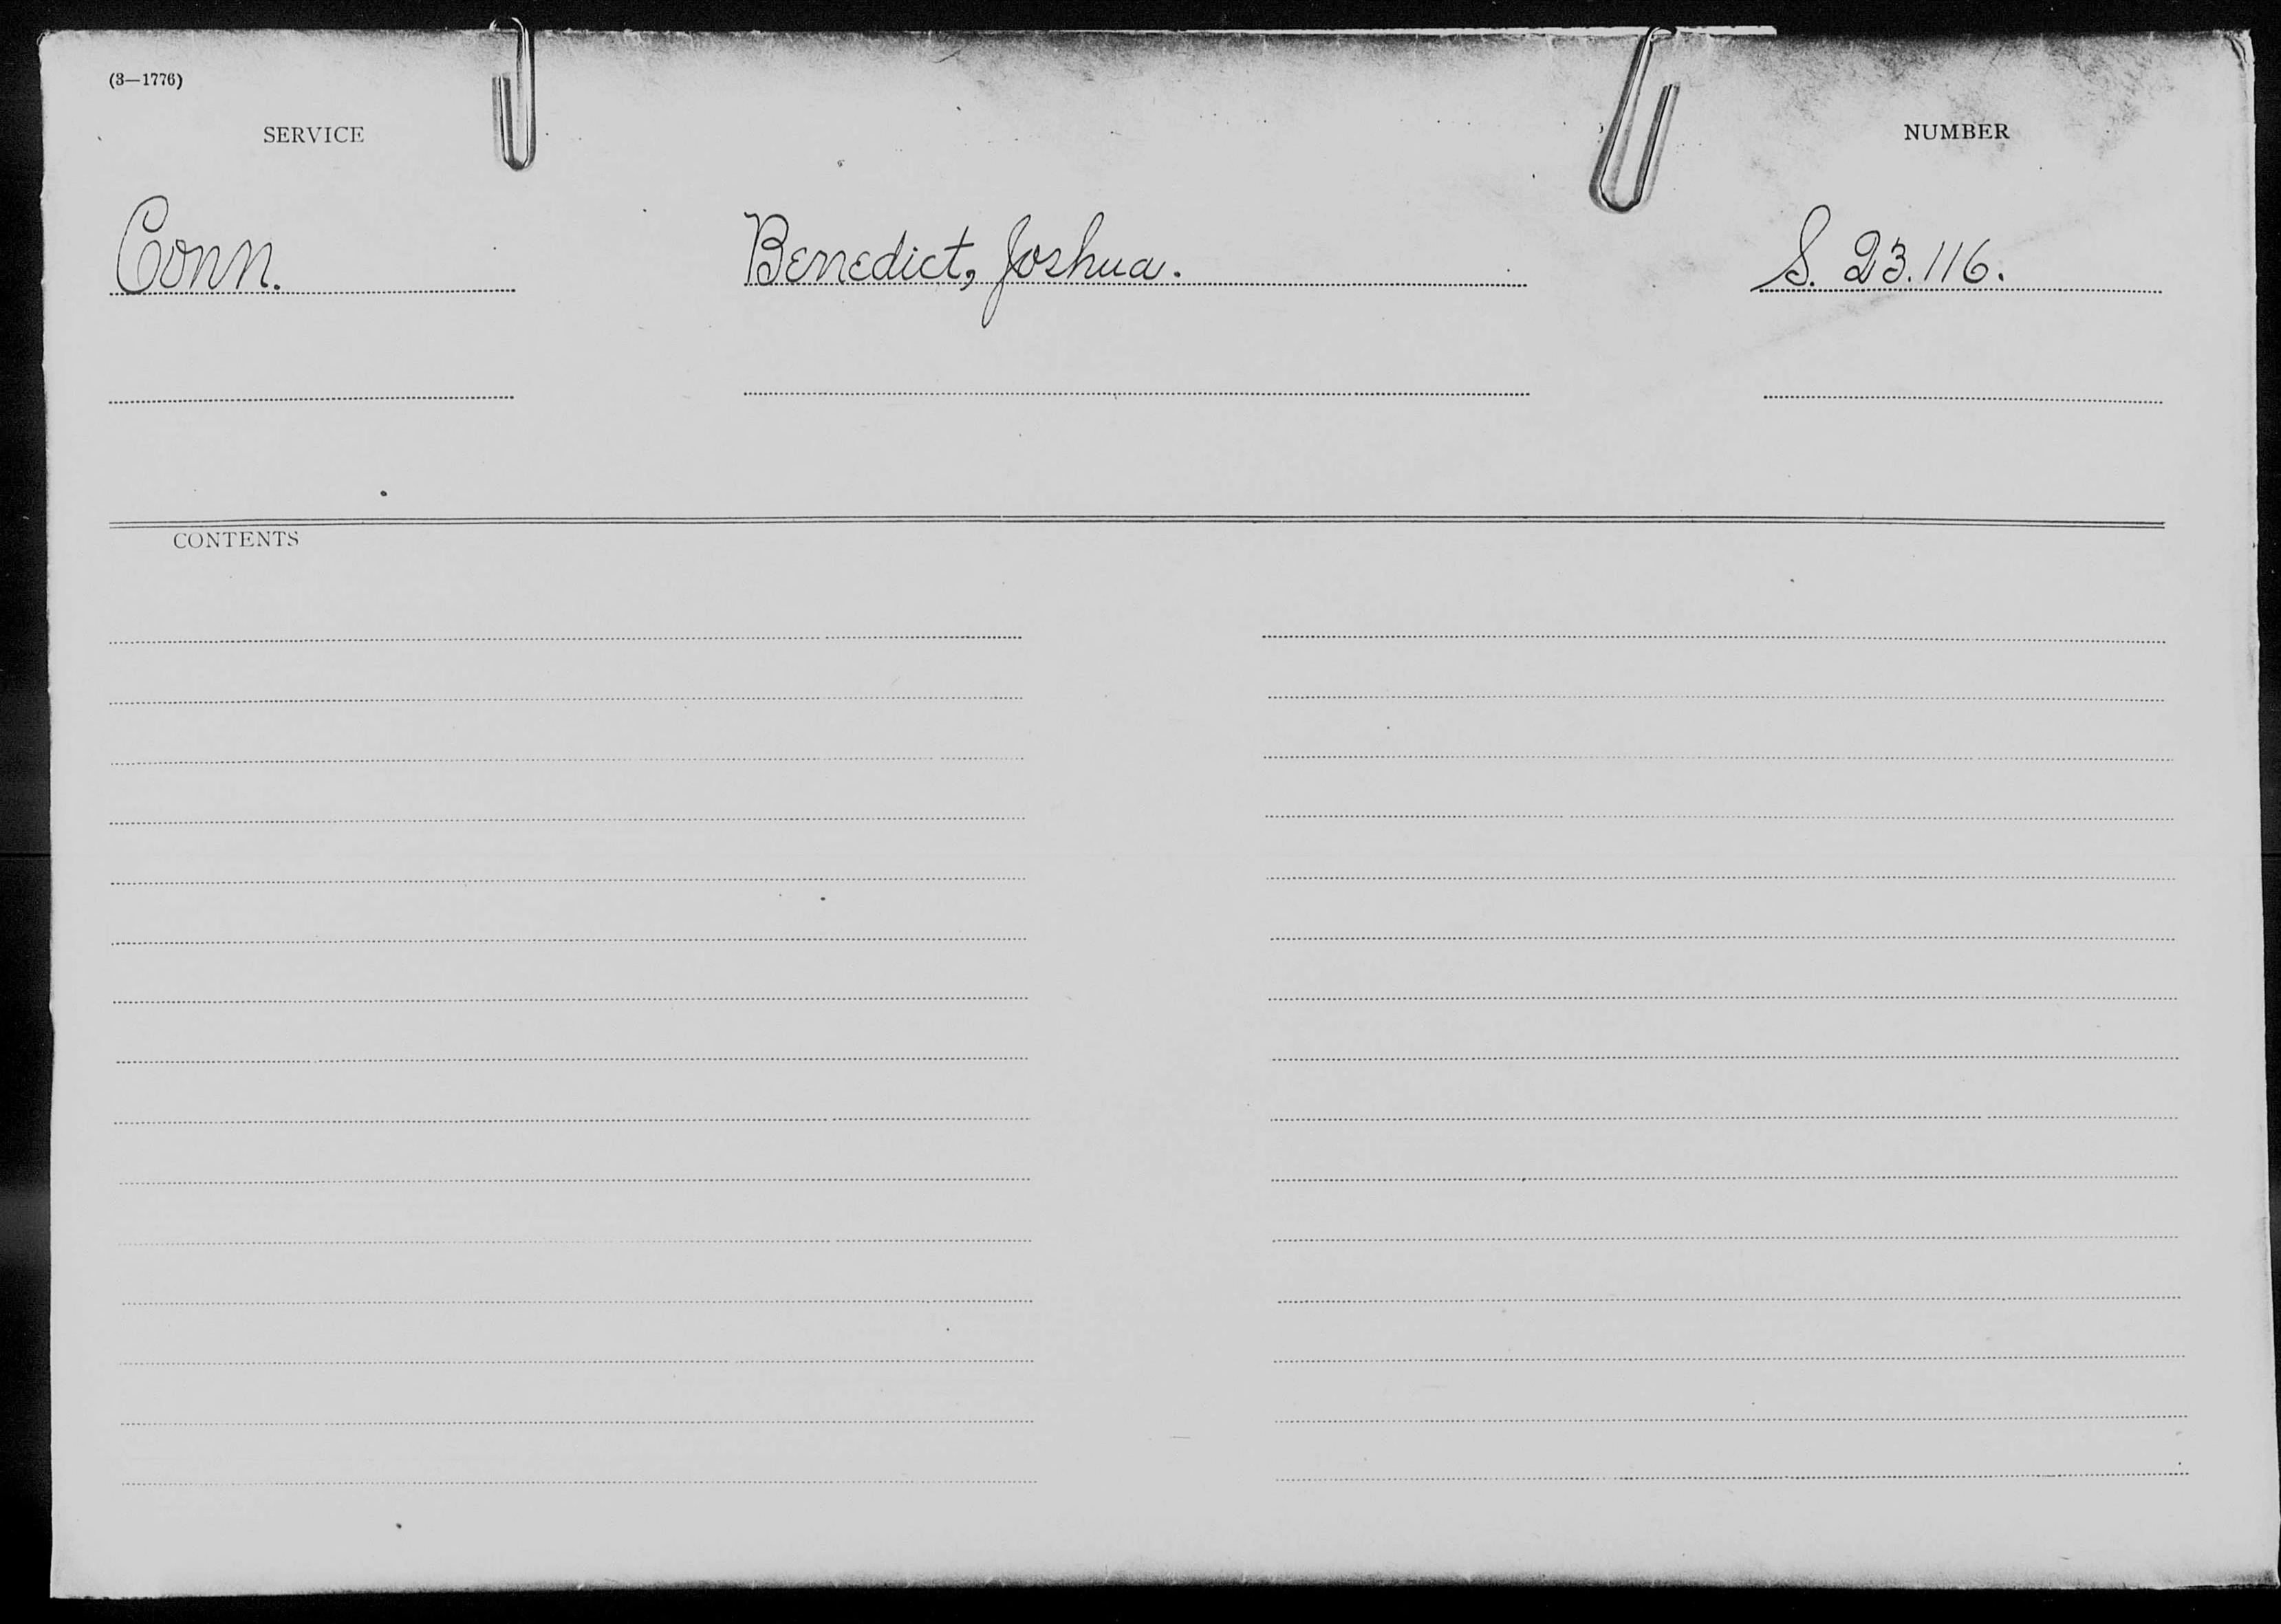(3-1776)

SERVICE  NUMBER
Conn. Benedict, Joshua. S. 23.116.

CONTENTS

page: 1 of 106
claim: survivor's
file: S 23,116., Joshua Benedict, Conn.